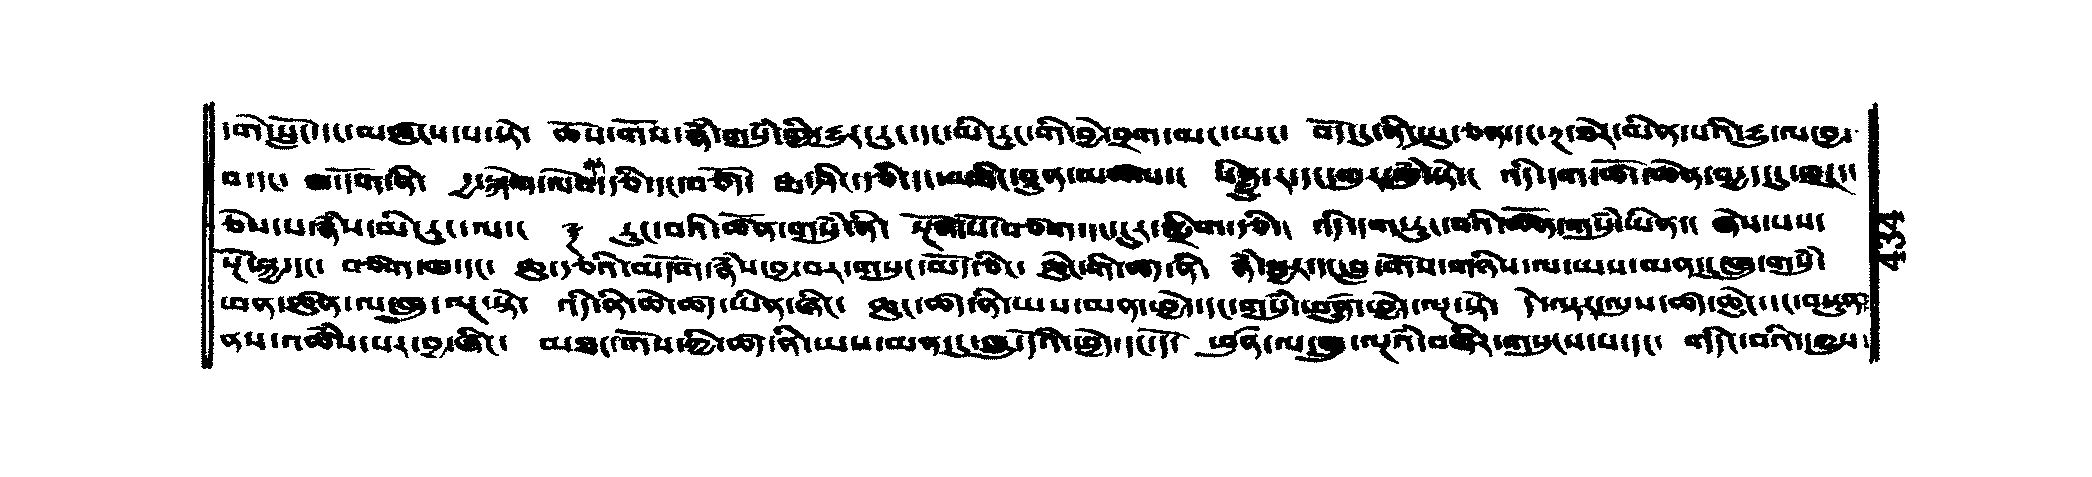དགེ་སློང་དང་མཚུངས་པ་སྟེ། ཆོས་གོས་རྣམ་གསུམ་གྱི་རྒྱུར་རུང་དང་མི་རུང་གི་བྱེ་བྲག་མང་ཡང་། བོད་དུ་ནི་སྤུ་ཅན་དང་རྔ་ཐེར་མིན་པའི་རྒྱུ་ལ་བྱ་
བ་དང་། ཁ་དོག་ནི། རྒྱ་སྐེག་ལེབ་རྒན་རྩི་དང་བཙོད། རྨ་ཤིང་རྩི་དང་མཐིང་ཤུན་མཚལ། །སིནྡུུ་ར་དང་གུར་ཀུམ་སྟེ། །འདི་དག་ཚོན་ཆེན་བརྒྱད་དུ་གྲགས། 
ཅེས་པ་རྣམས་མི་རུང་ལ། རུང་བའི་ཚོན་གསུམ་ནི། སྔོན་པོ་བཙག་དང་ངུར་སྨྲིག་རྩི། །འདི་དག་རུང་བའི་ཚོན་གསུམ་ཡིན། ཞེས་པས་
སྔོ་སྐྱ་དང་། བཙག་ཁ་དང་། ཆུ་རྩའི་མདོག་རྣམས་བྱ་བར་གསུངས་མོད་ཅིང་། ཆེ་ཆུང་གི་ཚད་ནི། རྣམ་སྦྱར་དང་བླ་གོས་གཉིས་ལ་ཡས་མན་དུ་ཁྲུ་གསུམ་
ཕན་ཚུན་ལ་ཁྲུ་ལྔ་སྟེ། འདི་ནི་ཆེ་ཚད་ཡིན་ཞིང་། ཆུང་ཚད་ནི་ཡས་མན་ཕྱེད་དང་གསུམ། ཕན་ཚུན་ཕྱེད་ལྔ་སྟེ། དེ་ལྟར་ལུས་ཚད་ཆེ་ཆུང་དང་བསྟུན་
ནས་འཚམས་པར་བྱ་ཞིང་། མཐང་གོས་ཀྱི་ཚད་ནི་ཡས་མན་དུ་ཁྲུ་དོའི་ཕྱེད་དང་དོ། ཕན་ཚུན་ལ་ཁྲུ་ལྔའམ་བཞིར་གསུངས་པ་དང་། གདིང་བའི་དཀྱུས་